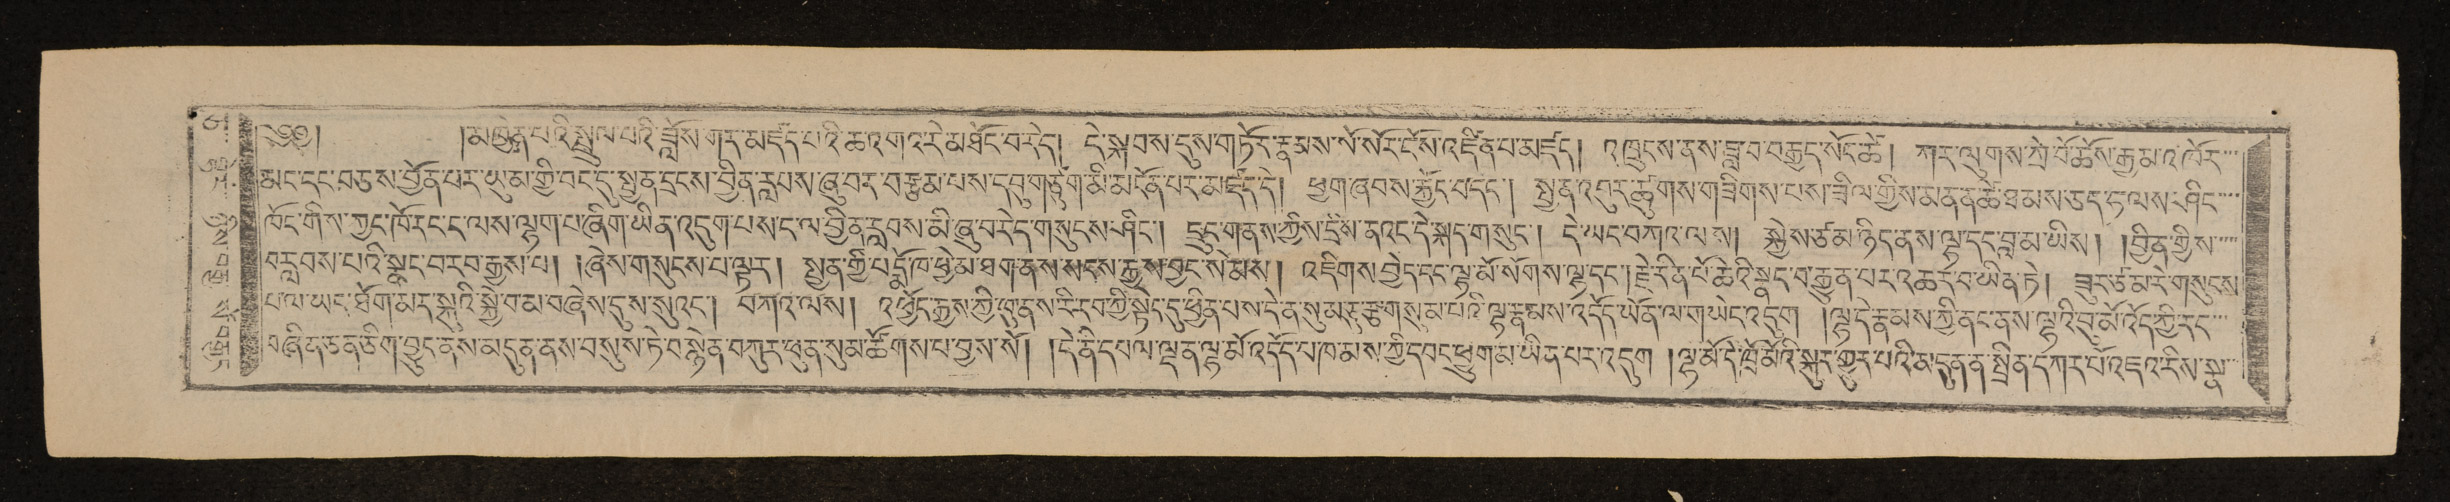༄༅། །མཁྱེན་པའི་སྤྲུལ་བའི་ཟློས་གར་མཛད་པའི་ཆ་འགའ་རེ་མཐོང་བ་རེད། དེ་སྐབས་དུས་གཏོར་རྣམས་སོ་སོར་ངོས་འཛིན་པ་མཛད། འཁྲུངས་ནས་ཟླ་བ་བརྒྱད་སོང་ཚེ། ཀར་ལུགས་ཀྲེ་བོ་ཆོས་རྒྱམ་འཁོར་
མང་དང་བཅས་བྱོན་པར་ཡུམ་གྱི་བང་དུ་སྤྱན་དྲངས་བྱིན་རླབས་ཞུ་བར་བརྩམ་པས་དབུ་གཙུག་མི་མངོན་པར་མཛད་དེ། ཕྱག་ཞབས་རྐྱོང་བ་དང་། སྤྱན་འབུར་ཚུགས་གཟིགས་པས་ཟིལ་གྱིས་མནན་ཚེ་ཐམས་ཅད་ཧ་ལས་ཤིང་
ཁོང་གིས་ཀྱང་ཁོ་རང་ང་ལས་ལྷག་པ་ཞིག་ཡིན་འདུག་པས་ང་ལ་བྱིན་རླབས་མི་ཞུ་བ་རེད་གསུངས་ཤིང་། དྲུང་གནས་ཀྱིས་དྲིས་ནའང་དེ་སྐད་གསུང་། དེ་ཡང་བཀའ་ལས། སྐྱེས་ཙམ་ཉིད་ནས་ལྷ་དང་བླ་མ་ཡིས། །བྱིན་གྱིས་
བརླབས་པའི་སྣང་བ་རབ་རྒྱས་པ། །ཞེས་གསུངས་པ་ལྟར། སྦྱན་གྱི་པདམོ་ཁ་ཕྱེ་མ་ཐག་ནས་སངས་རྒྱས་བྱང་སེམས། འཇིགས་བྱེད་དང་ལྷ་མོ་སོགས་ལྷ་དང་། རྗེ་རིན་པོ་ཆེའི་སྣང་བ་རྒྱུན་པར་འཆར་བ་ཡིན་ཏེ། ཟུར་ཙམ་རེ་གསུངས་
པ་ལ་ཡང་ཐོག་མར་སྐུའི་སྐྱེ་བ་མ་བཞེས་དུས་སུའང་། བཀའ་ལས། འཕྱོང་རྒྱས་ཀྱི་ཕུ་ནས་རི་རབ་ཀྱི་སྟེང་དུ་ཕྱིན་པས་དེ་ན་སུམ་ཅུ་རྩ་གསུམ་པའི་ལྷ་རྣམས་འདོད་ཡོན་ལ་གཡེང་འདུག །ལྷ་དེ་རྣམས་ཀྱི་ནང་ནས་ལྷའི་བུ་མོ་འོད་ཀྱི་རང་
བཞིན་ཅན་ཅིག་བྱུང་ནས་མདུན་ནས་བསུས་ཏེ་བསྙེན་བཀུར་ཕུན་སུམ་ཚོགས་པ་བྱས་སོ། །དེ་ནི་དཔལ་ལྡན་ལྷ་མོ་འདོད་པ་ཁམས་ཀྱི་དབང་ཕྱུག་མ་ཡིན་པར་འདུག །ལྷ་མོ་དེ་ཁྲོ་མོའི་སྐུར་གྱུར་པའི་མདུན་ན་སྤྲིན་དཀར་པོ་འཇའ་རིས་སྣ་